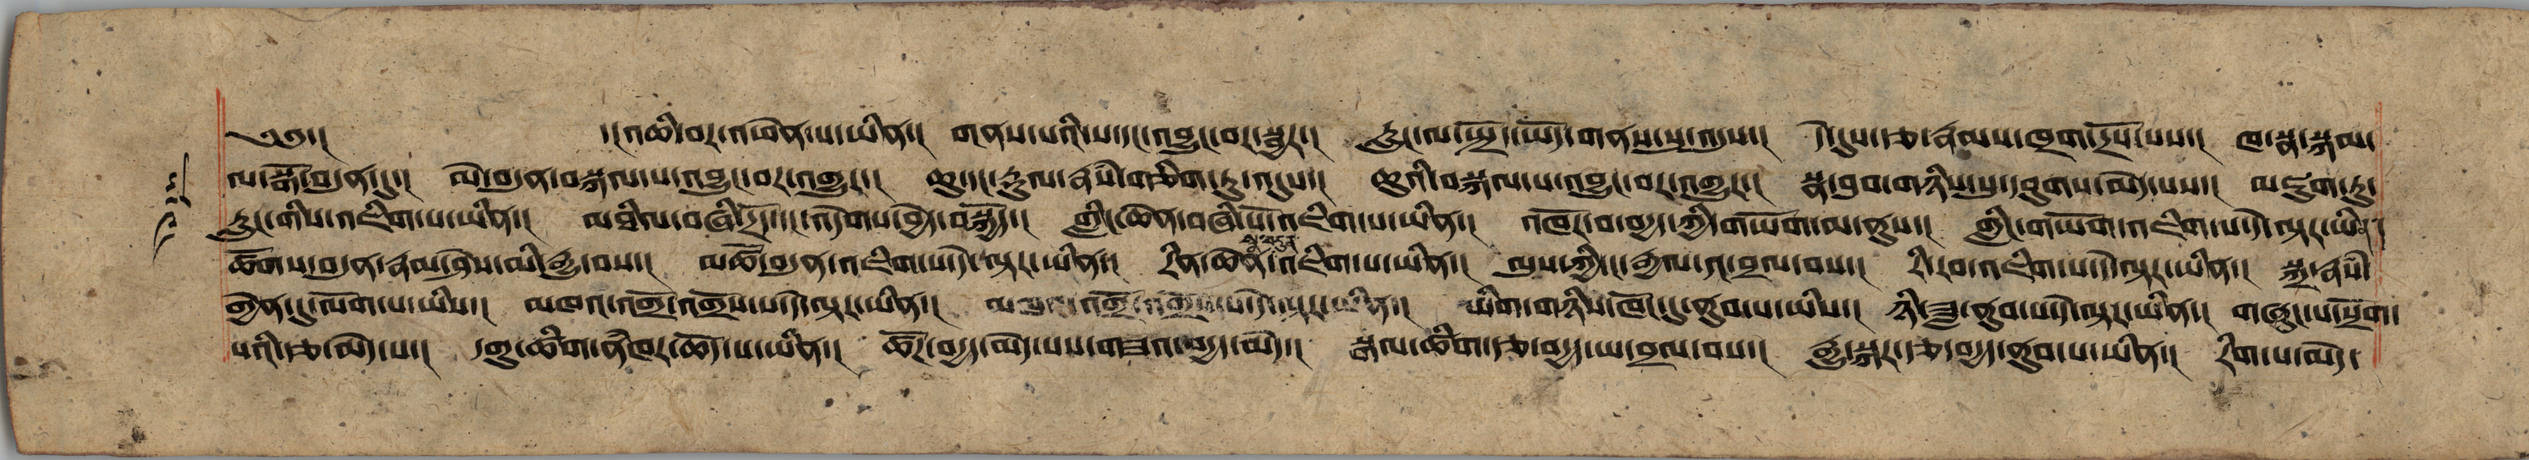༄༅་། ་།འཆི་བར་འཕེན་པ་ཡིན་། གནས་པའི་ས་དང་འབྱུང་བར་སྦྱར་། རླུང་ལ་སྤྲོད་ཡོད་གནས་སུ་འདུས་། དེ་དུས་རྩ་རྣམས་ཁྲག་དྲོས་པས་། ཁ་སྣ་སྐམ་
ལ་སྒོ་བདུན་དུ་། མེ་བདུན་བསྐལ་པ་འབྱུང་བར་འགྱུར་། ཆུ་དང་རྡུལ་རྣཾས་གཅིག་ཏུ་འདུས་། ཆུའི་བསྐལ་པ་འབྱུང་བར་འགྱུར་། སྣ་བུབ་གཉིས་སུ་དབུགས་མེད་པས་། མཇུག་ཏུ་
རླང་གིས་འཇིག་པ་ཡིན་། མཐིལ་བཞི་དྲོད་དང་འདེགས་བྱེད་བསྐྱོད་། གླིང་ཆེན་བཞི་པོ་འཇིག་པ་ཡིན་། འཁོར་བ་བདྱད་ཀྱི་གཡོག་མ་ནུས་། གླིང་གཡོག་འཇིག་པ་དེ་ལྟར་ཡིན་
ཚོགས་བདུན་རྣམ་ཤེས་མི་རྒྱུ་བས་། མཚོ་བདུན་འཇིག་པ་དེ་ལྟར་ཡིན་། རིན་ཆེན་སྣ་བདུན་འཇིག་པ་ཡིན་། ལུས་ཀྱི་ང་རྒྱལ་དང་བྲལ་བས་། རི་རབ་འཇིག་པ་དེ་ལྟར་ཡིན་། སྐྲ་རྣསཾ་
གྱེན་དུ་ལོག་པ་ཡིས་། མཁའ་འགྲོ་འགྲོས་པ་དེ་ལྟར་ཡིན་། མཁའ་འགྲོ་འགྲོས་པ་དེ་ལྟར་ཡིན་། མིག་གཉིས་ཁོང་དུ་ནུབ་པ་ཡིས་། ཉི་ཟླ་ནུབ་པ་དེ་ལྟར་ཡིན་། གཞུང་པ་སྲོག་
པའི་རྩ་མེད་པ་། དགུ་ཚིག་ནཾཁར་ཆོད་པ་ཡིན་། ཚོཌ་བདྱད་མེད་པས་གཟའ་བདྱད་མེད་། སྒལ་ཚིག་རྩ་བདྱད་ཡ་བྲལ་བས་། རྒྱུ་སྐར་རྩ་བདྱད་ནུབ་པ་ཡིན་། རིག་པ་མེད་